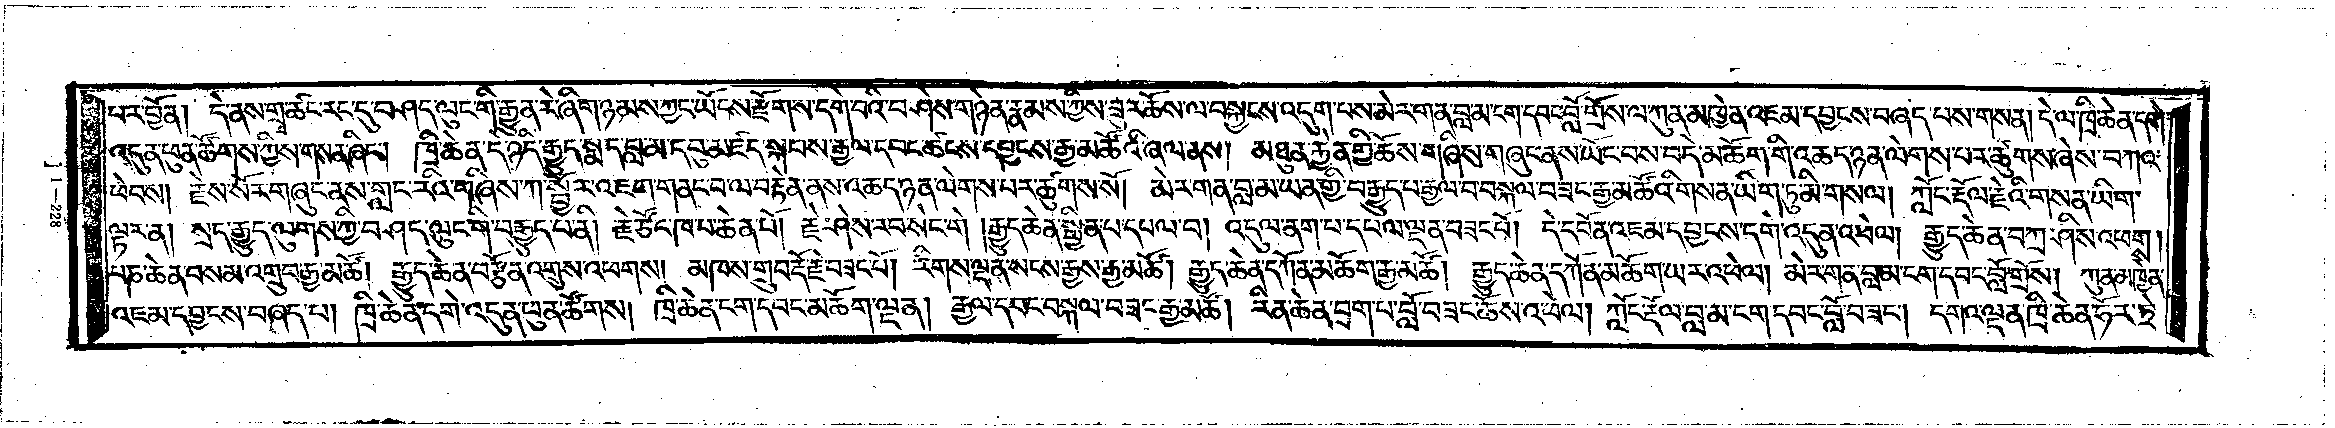པར་བྱོན། དེ་ནས་གྲྭ་ཚང་རང་དུ་བཤད་ལུང་གི་རྒྱུན་རེ་ཞིག་ཉམས་ཀྱང་ཡོངས་རྫོགས་དགེ་བའི་བཤེས་གཉེན་རྣམས་ཀྱིས་ཟུར་ཆོས་ལ་བསྐྱངས་འདུག་པས་མེ་རག་ན་བླ་མ་ངག་དབང་བློ་གྲོས་ལ་ཀུན་མཁྱེན་འཇམ་དབྱངས་བཞད་པས་གསན། དེ་ལ་ཁྲི་ཆེན་དགེ་
འདུན་ཕུན་ཚོགས་ཀྱིས་གསན་ཞིང་། ཁྲི་ཆེན་དེ་ཉིད་རྒྱུད་སྨད་བླ་མ་དབུ་མཛད་སྐབས་རྒྱལ་དབང་ཚངས་དབྱངས་རྒྱ་མཚོའི་ཞལ་ནས། མཐུན་རྐྱེན་གྱི་ཆོས་གཞིསུ་གཞུང་ནས་ཡོང་བས་བདེ་མཆོག་གི་འཆད་ཉན་ལེགས་པར་ཚུགས་ཞེས་བཀའ་
ཕེབས། རྗེས་སོར་གཞུང་ནས་གླང་རའི་གཞིས་ཀ་སྦྱོར་འཇག་གནང་བ་ལ་བརྟེན་ནས་འཆད་ཉན་ལེགས་པར་ཚུགས་སོ། མེ་རག་ན་བླ་མ་ཡན་གྱི་བརྒྱུད་པ་རྒྱལ་བ་བསྐལ་བཟང་རྒྱ་མཚོའི་གསན་ཡིག་ཏུ་མི་གསལ། ཀློང་རྡོལ་རྗེའི་གསན་ཡིག་
ལྟར་ན། སྲད་རྒྱུད་ལུགས་ཀྱི་བཤད་ལུང་གི་བརྒྱུད་པ་ནི། རྗེ་ཙོང་ཁ་པ་ཆེན་པོ། རྗེ་ཤེས་རབ་སེང་གེ །རྒྱུད་ཆེན་སྦྱིན་པ་དཔལ་བ། འདུལ་ནག་པ་དཔལ་ལྡན་བཟང་པོ། དེ་དབོན་འཇམ་དབྱངས་དགེ་འདུན་འཕེལ། རྒྱུད་ཆེན་བཀྲ་ཤིས་འཕགས།
པཎ་ཆེན་བསམ་འགྲུབ་རྒྱ་མཚོ། རྒྱུད་ཆེན་བརྩོན་འགྲུས་འཕགས། མཁས་གྲུབ་རྡོ་རྗེ་བཟང་པོ། རིགས་ལྡན་སངས་རྒྱས་རྒྱ་མཚོ། རྒྱུད་ཆེན་དཀོན་མཆོག་རྒྱ་མཚོ། རྒྱུད་ཆེན་དཀོན་མཆོག་ཡར་འཕེལ། མེར་གན་བླ་མ་ངག་དབང་བློ་གྲོས། ཀུན་མཁྱེན་
འཇམ་དབྱངས་བཞད་པ། ཁྲི་ཆེན་དགེ་འདུན་ཕུན་ཚོགས། ཁྲི་ཆེན་ངག་དབང་མཆོག་ལྡན། རྒྱལ་དབང་བསྐལ་བཟང་རྒྱ་མཚོ། རིན་ཆེན་བྲག་པ་བློ་བཟང་ཆོས་འཕེལ། ཀློང་རྡོལ་བླ་མ་ངག་དབང་བློ་བཟང་། དགའ་ལྡན་ཁྲི་ཆེན་ཧོར་ཏྲེ་